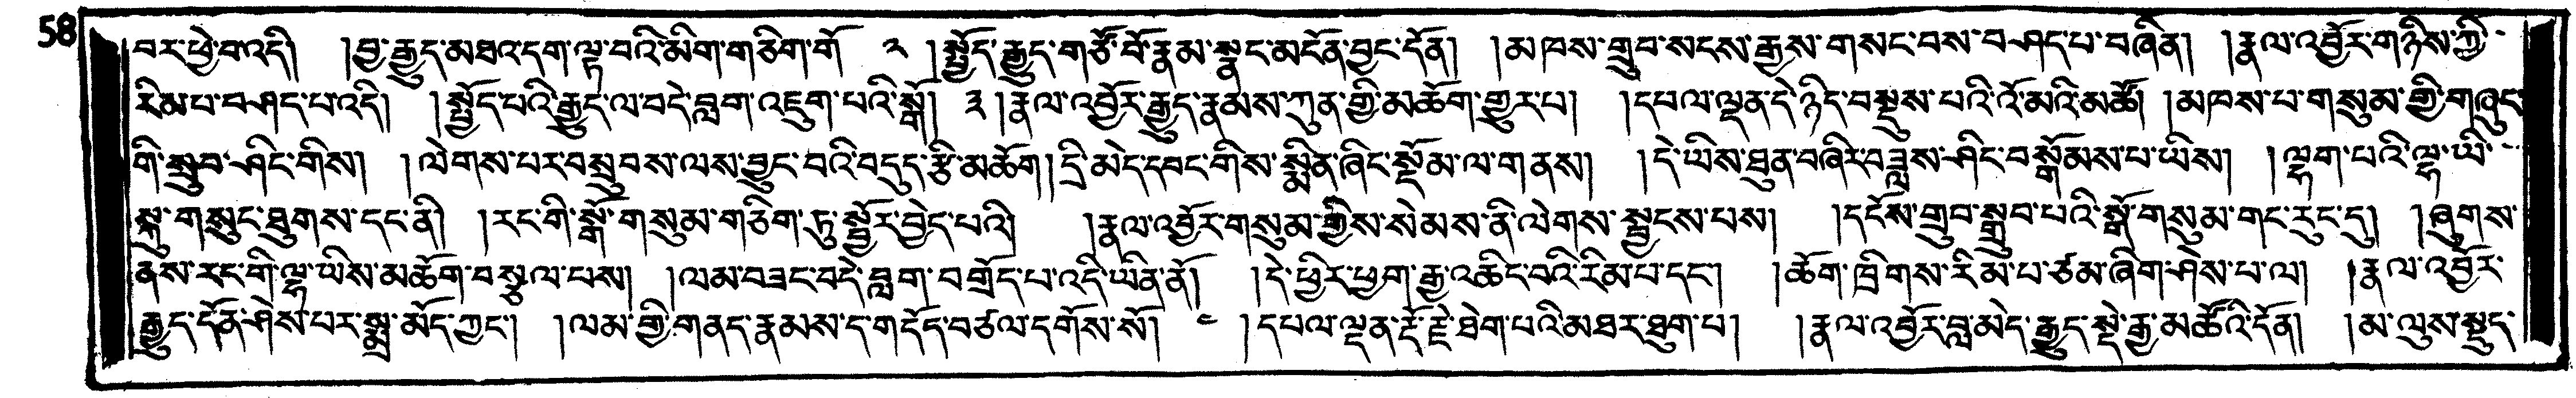བར་ཕྱེ་བ་འདི། །བྱ་རྒྱུད་མཐའ་དག་ལྟ་བའི་མིག་གཅིག་གོ ༢་།སྤྱོད་རྒྱུད་གཙོ་བོ་རྣམ་སྣང་མངོན་བྱང་དོན། །མཁས་གྲུབ་སངས་རྒྱས་གསང་བས་བཤད་པ་བཞིན། །རྣལ་འབྱོར་གཉིས་ཀྱི་
རིམ་པ་བཤད་པ་འདི། །སྤྱོད་པའི་རྒྱུད་ལ་བདེ་བླག་འཇུག་པའི་སྒོ། ༣་།རྣལ་འབྱོར་རྒྱུད་རྣམས་ཀུན་གྱི་མཆོག་གྱུར་པ། །དཔལ་ལྡན་དེ་ཉིད་བསྡུས་པའི་འོ་མའི་མཚོ། །མཁས་པ་གསུམ་གྱི་གཞུང་
གི་སྲུབ་ཤིང་གིས། །ལེགས་པར་བསྲུབས་ལས་བྱུང་བའི་བདུད་རྩི་མཆོག །དྲི་མེད་དབང་གིས་སྨིན་ཞིང་སྡོམ་ལ་གནས། །དེ་ཡིས་ཐུན་བཞིར་བཟླས་ཤིང་བསྒོམས་པ་ཡིས། །ལྷག་པའི་ལྷ་ཡི་
སྐུ་གསུང་ཐུགས་དང་ནི། །རང་གི་སྒོ་གསུམ་གཅིག་ཏུ་སྦྱོར་བྱེད་པའི། །རྣལ་འབྱོར་གསུམ་གྱིས་སེམས་ནི་ལེགས་སྦྱངས་པས། །དངོས་གྲུབ་སྒྲུབ་པའི་སྒོ་གསུམ་གང་རུང་དུ། །ཞུགས་
ནས་རང་གི་ལྷ་ཡིས་མཆོག་བསྩལ་པས། །ལམ་བཟང་བདེ་བླག་བགྲོད་པ་འདི་ཡིན་ནོ། །དེ་ཕྱིར་ཕྱག་རྒྱ་འཆིང་བའི་རིམ་པ་དང་། །ཆོག་ཁྲིགས་རིམ་པ་ཙམ་ཞིག་ཤེས་པ་ལ། །རྣལ་འབྱོར་
རྒྱུད་དོན་ཤེས་པར་སྨྲ་མོད་ཀྱང་། །ལམ་གྱི་གནད་རྣམས་ད་གདོད་བཙལ་དགོས་སོ། ༤་།དཔལ་ལྡན་རྡོ་རྗེ་ཐེག་པའི་མཐར་ཐུག་པ། །རྣལ་འབྱོར་བླ་མེད་རྒྱུད་སྡེ་རྒྱ་མཚོའི་དོན། །མ་ལུས་སྡུད་